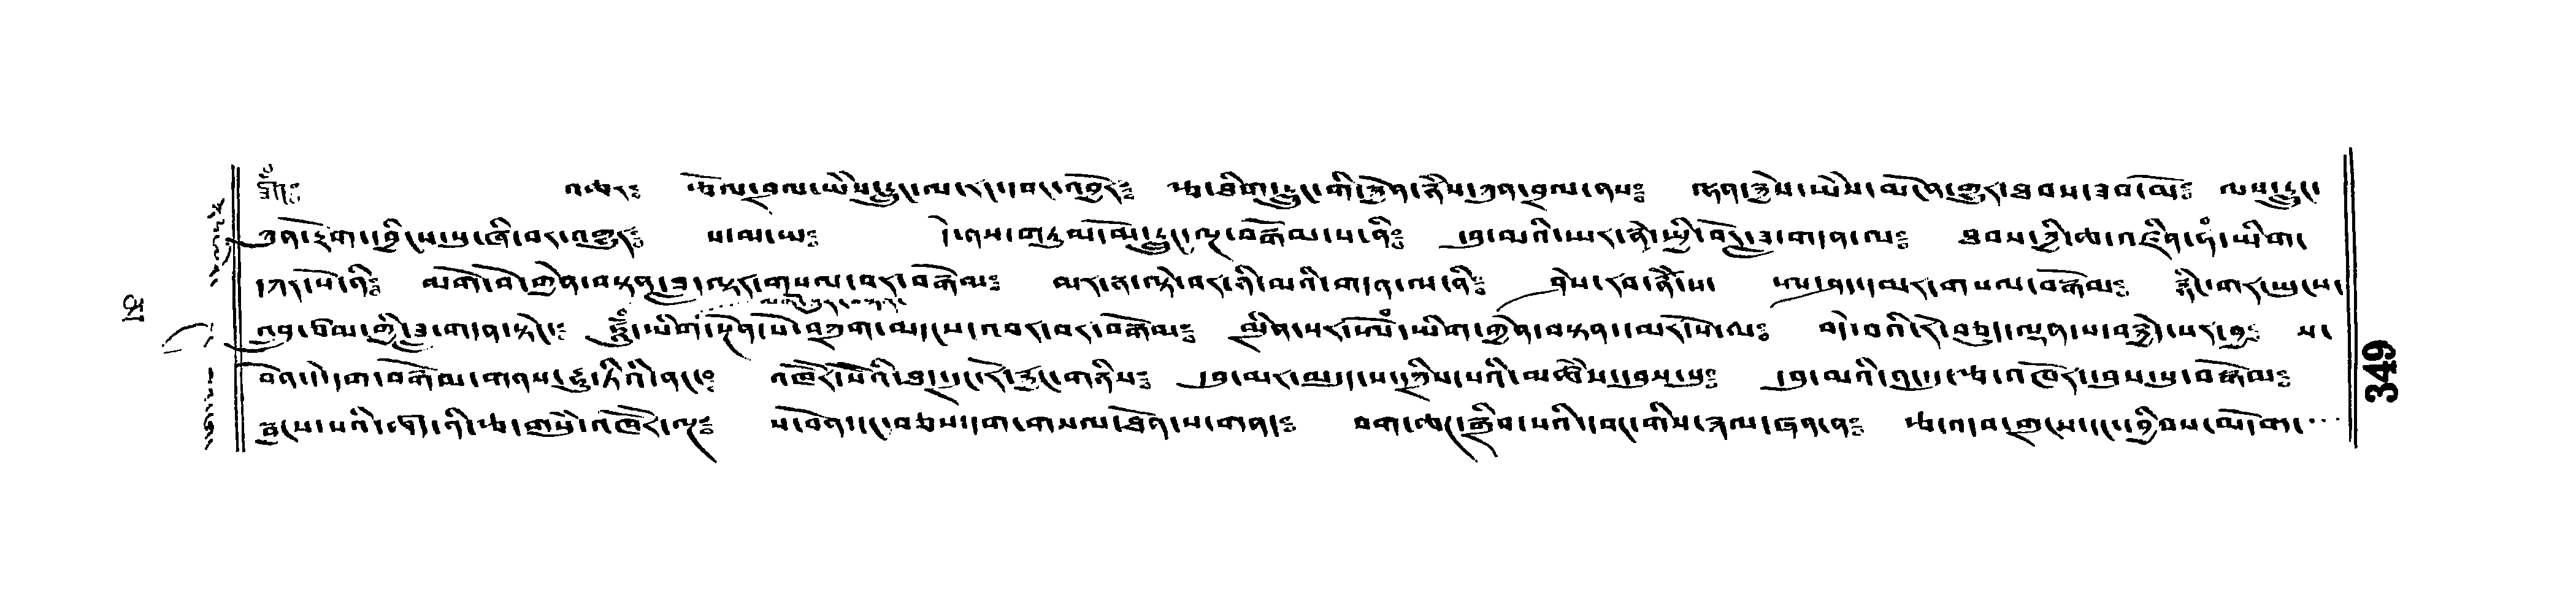འཆར༔ རྩོལ་བྲལ་ཡེ་ཤེས་རླུང་ལ་རང་དབང་འབྱོར༔ རྩ་ཐིག་རླུང་གི་སྐྱོན་རྣམས་ཀུན་བྲལ་ནས༔ ལྷན་སྐྱེས་ཡེ་ཤེས་མངོན་གྱུར་ཐབས་ཟབ་མོ༔ ལས་རླུང་
ཀུན་རྟོག་དབྱིངས་སུ་ཞི་བར་འགྱུར༔ ས་མ་ཡ༔ དེ་ནས་གཏུམ་མོ་རླུང་ལྔ་བསྒོམ་པ་ནི༔ དབུ་མའི་ཡར་སྣེ་སྤྱི་བོར་ཟླ་གདན་ལ༔ ཐབས་ཀྱི་ཆ་འཛིན་ཧཾ་ཡིག་
དཀར་པོ་ནི༔ མགོ་བོ་གྱེན་བསྟན་ཟླ་ལྟར་གསལ་བར་བསྒོམ༔ མར་སྣ་ལྟེ་བར་ཉི་མའི་གདན་ལ་ནི༔ཤེས་རབ་རྣམ་པ་ཨ་ཤད་དམར་གསལ་བསྒོམ༔ སྙིང་གར་ཡུངས་
འབྲུ་ཙམ་གྱི་ཟླ་གདན་སྟེང༔ ཧཱུྃ་ཡིག་སྔོན་པོ་བཀྲག་མདངས་འབར་བར་བསྒོམ༔ མགྲིན་པར་ཨོཾ་ཡིག་གྱེན་བསྟན་དམར་པོ་ལ༔ བདེ་བའི་རོ་བཅུད་ལྡན་པ་བསྐྱེད་པར་བྱ༔ ས་
བོན་དེ་དག་བསྒོམ་གནས་དྷུ་ཏིའི་ནང༔ འཁོར་ལོ་སོ་སོའི་ཐད་དྲག་རོ་རྐྱང་གཉིས༔ དབུ་མར་མདུད་པ་དཀྲིས་པའི་མཚམས་དབུས་སུ༔ དབུ་མའི་ནང་དུ་རྩ་འཁོར་དབུས་སུ་བསྒོམ༔ 
སྦྱངས་པའི་ཚད་ནི་རྩ་གསུམ་འཁོར་ལོ་ལྔ༔ ས་བོན་དང་བཅས་དག་གསལ་ཐོན་པ་གནད༔ བག་ཆགས་སྒྲིབ་པའི་དབང་གིས་སྐལ་ཞན་ན༔ རྩ་འདབ་གྲངས་དང་དབྱིབས་མདོག་